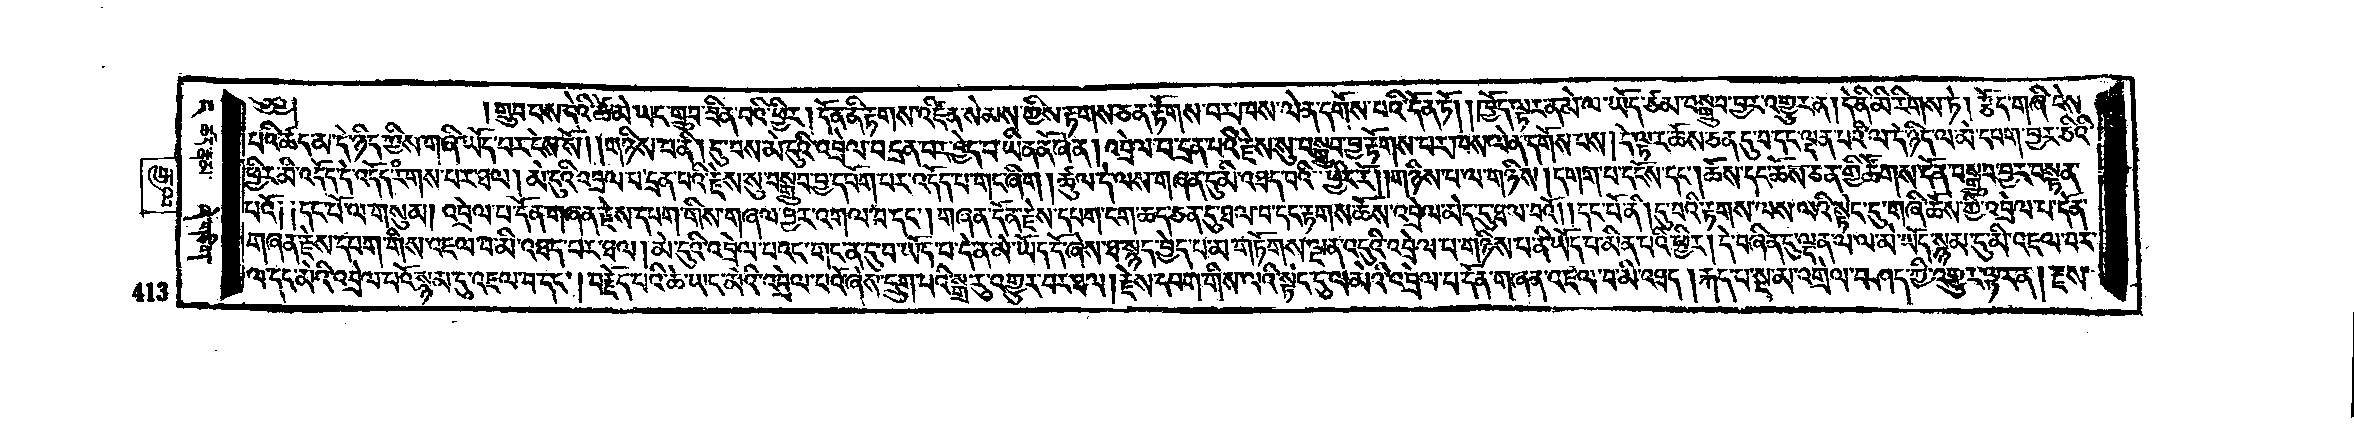༄༅། །གྲུབ་པས་དེའི་ཚེ་མེ་ཡང་གྲུབ་བྲིན་པའི་ཕྱིར། དོན་ནི་རྟགས་འཛིན་སེམས་ཀྱི་རྟགས་ཅན་རྟོགས་པར་ཁས་ལེན་དགོས་པའི་དོན་ཏོ། །ཁྱོད་ལྟར་ན་མེ་ལ་ཡོད་ཙམ་བསྒྲུབ་བྱར་འགྱུར་ན། དེ་ནི་མི་རིགས་ཏེ། རྩོད་གཞི་ངེས་
པའི་ཚད་མ་དེ་ཉིད་ཀྱིས་གཞི་ཡོད་པར་ངེས་སོ། །གཉིས་པ་ནི། དུ་བས་མེ་དུའི་འབྲེལ་བ་དྲན་པའི་རྗེས་སུ་བསྒྲུབ་བྱ་རྟོགས་པར་ཁས་ལེན་དགོས་པས། དེ་ལྟར་ཆོས་ཅན་དུ་བ་དང་ལྡན་པའི་ལེ་དེ་ཉིད་ལ་མེ་དཔག་བྱར་ཅིའི་
ཕྱིར་མི་འདོད་དེ་འདོད་རིགས་པར་ཐལ། མེ་དུའི་འབྲལ་པ་དྲན་པའི་རྗེས་སུ་བསྒྲུབ་བྱ་དཔོག་པར་འདོད་པ་གང་ཞིག །ཚུལ་དེ་ལས་གཞན་དུ་མི་འཐད་པའི་ཕྱིར་རོ། །གཉིས་པ་ལ་གཉིས། དགག་པ་དངོས་དང་། ཆོས་དང་ཆོས་ཅན་གྱི་ཚོགས་དོན་བསྒྲུབ་བྱར་བསྟན་
པའོ། །དང་པོ་ལ་གསུམ། །འབྲེལ་པ་དོན་གཞན་རྗེས་དཔག་གིས་གཞལ་བྱར་འགལ་བ་དང་། གཞན་དོན་རྗེས་དཔག་ངག་ཆད་ཅན་དུ་ཐལ་བ་དང་རྟགས་ཆོས་འབྲེལ་མེད་དུ་ཐལ་བའོ། །དང་པོ་ནི། དུ་བའི་རྟགས་ལས་ལའི་སྟེང་དུ་གཞི་ཆོས་ཀྱི་འབྲེལ་པ་དོན་
གཞན་རྗེས་དཔག་གིས་འཇལ་བ་མི་འཐད་པར་ཐལ། མེ་དུའི་འབྲེལ་པའང་གང་ན་དུ་བ་ཡོད་པ་དེ་ན་མེ་ཡོད་དོ་ཞེས་ཐ་སྙད་བྱེད་པ་མ་གཏོགས་ལྔ་འདུའི་འབྲེལ་པ་གཉིས་པ་ནི་ཡོད་པ་མིན་པའི་ཕྱིར། དེ་བཞིན་དུ་ལྡན་ལ་ལ་མེ་ཡོད་སྙམ་དུ་མི་འཇལ་བར་
ལ་དང་མེའི་འབྲེལ་པའོ་སྙམ་དུ་འཇལ་བ་དང་། བརྗོད་པའི་ཆེ་ཡང་མེའི་འབྲེལ་པའོ་ཞེས་དྲུག་པའི་སྒྲ་རུ་འགྱུར་བར་ཐལ། རྗེས་དཔག་གིས་ལའི་སྟེང་དུ་ལ་མེའི་འབྲེལ་པ་དོན་གཞན་འཇལ་བ་མི་འཐད། རྐད་པ་སྔ་མ་འགྲེལ་བཤད་ཀྱི་འགྱུར་ལྟར་ན། རྫས་